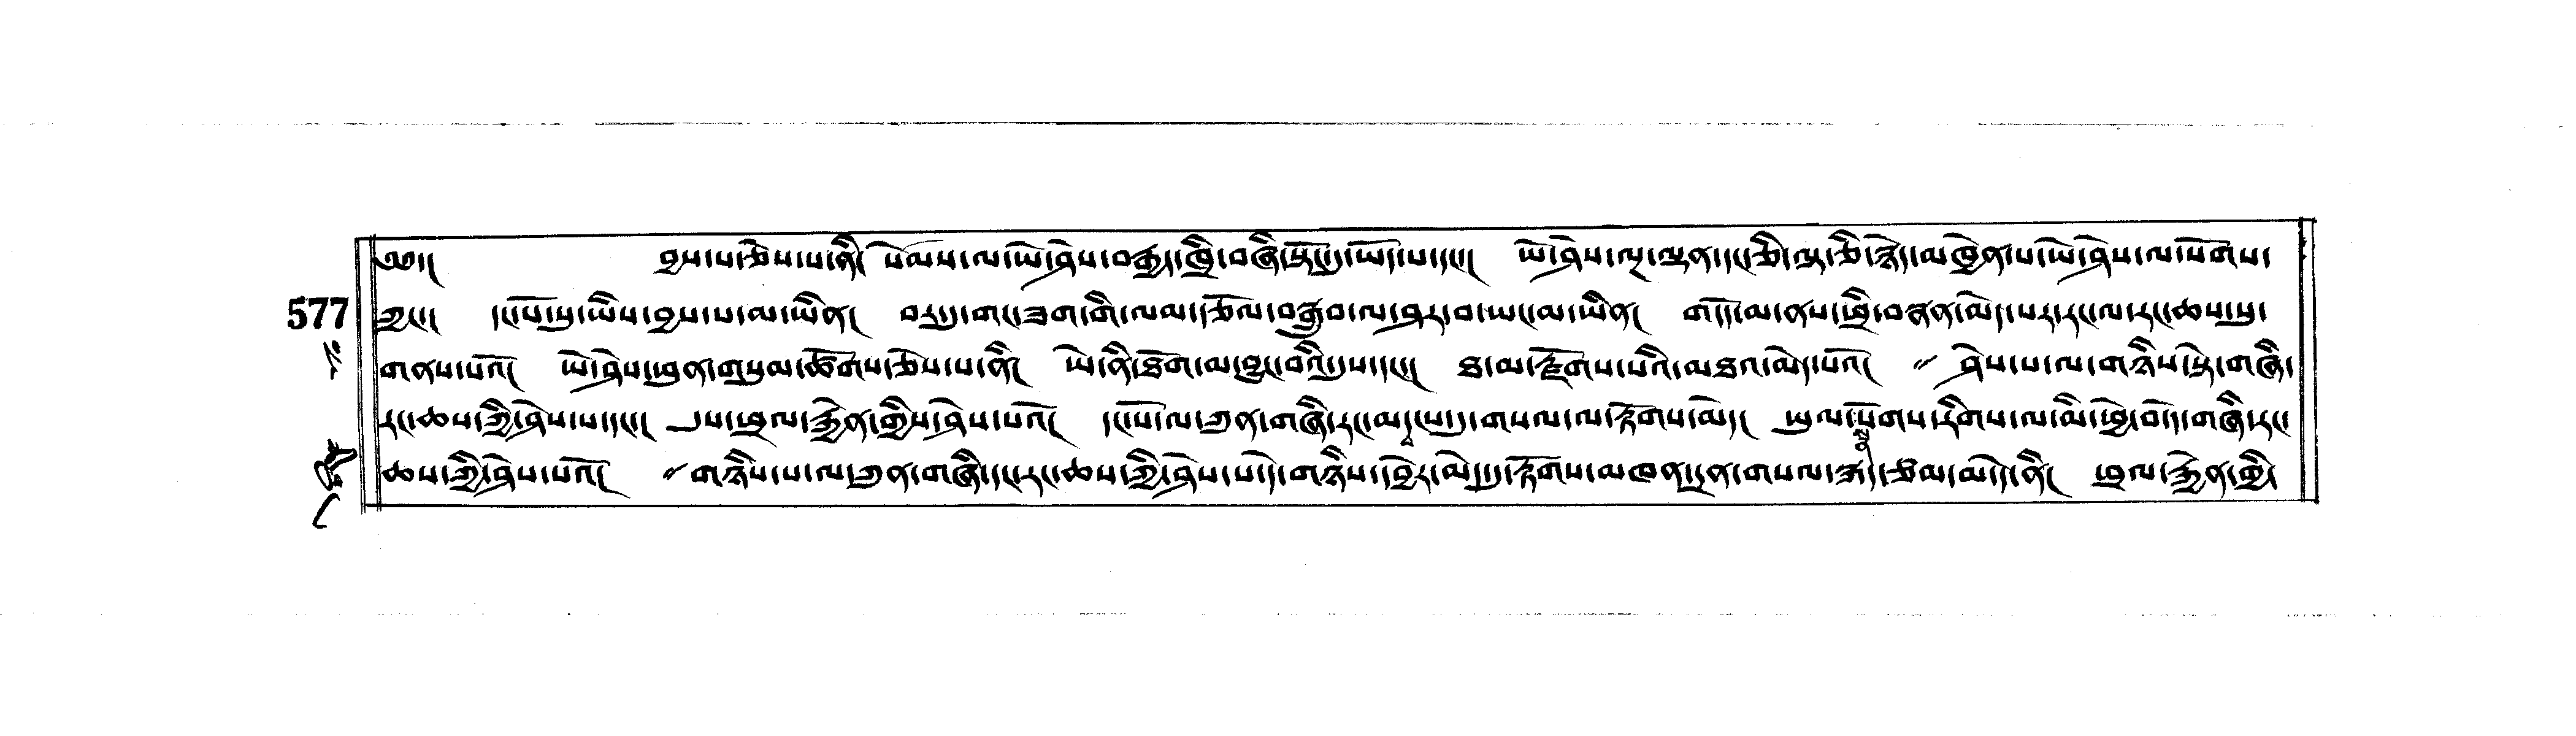བྱས་པ་ཅེས་པ་ནི། སེམས་ལ་ཡེ་ཤེས་བརྒྱད་ཁྲི་བཞི་སྟོང་དུ་ཡོད་པ་དང་། ཡེ་ཤེས་ལྔ་ལྡན་དང་ཇི་ལྟ་ཇི་སྙེད་མཁྱེན་པའི་ཡེ་ཤེས་ལ་སོགས་
ཀྱང་། དང་པོ་སུ་ཡིས་བྱས་པ་མ་ཡིན། བར་དུ་གང་ཟག་གི་ལམ་རྩོལ་སྒྲུབ་ལ་ཤར་བ་ཡང་མ་ཡིན། གདོད་མ་ནས་ཕྲི་སྣན་མེད་པར་རང་ལ་རང་ཆས་སུ་
གནས་པའོ། ཡེ་ཤེས་ཕུན་སུམ་ཚོགས། ཅེས་པ་ནི། ཡེ་ནས་ཐོག་མ་བྱུང་བའི་དུས་དང་། ཐ་མ་རྫོགས་པའི་མཐའ་མེད་པའོ། ༧ ཤེས་པ་ལ་གཉིས་ཏེ། གཞི་
རང་ཆས་ཀྱི་ཤེས་པ་དང་། དུས་འཕྲལ་རྐྱེན་གྱི་ཤེས་པའོ། དང་པོ་ལ་ཀུན་གཞི་རང་མདངས་སུ་གསལ་ལ་རྟོག་མེད། ཡུལ་སྣ་ཚོགས་ཀྱི་རིགས་ལ་མི་ཕྱེ་བ་དེ་གཞི་རང་
ཆས་ཀྱི་ཤེས་པའོ། ༧ གཉིས་པ་ལ་ཀུན་གཞི་དང་རང་ཆས་ཀྱི་ཤེས་པ་དེ་གཉིས་དབྱེར་མེད་དུ་རྟོགས་མཁན་དྲན་གསལ་སྐད་ཙམ་མ་དེ་ནི། འཕྲལ་རྐྱེན་གྱི་